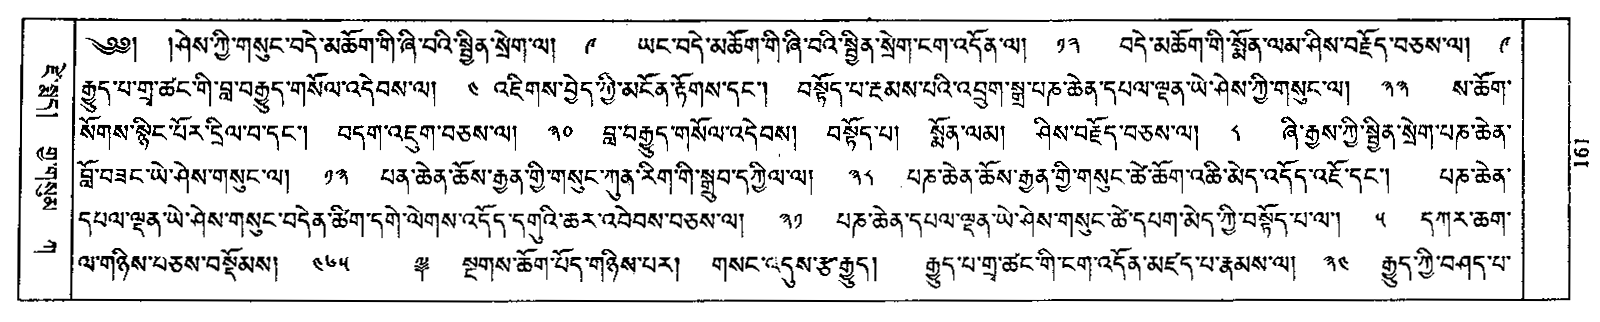༄༅། །ཤེས་ཀྱི་གསུང་བདེ་མཆོག་གི་ཞི་བའི་སྦྱིན་སྲེག་ལ། ༩་ཡང་བདེ་མཆོག་གི་ཞི་བའི་སྦྱིན་སྲེག་ངག་འདོན་ལ། ༡༢་བདེ་མཆོག་གི་སྨོན་ལམ་ཤིས་བརྗོད་བཅས་ལ། ༩
རྒྱུད་པ་གྲྭ་ཚང་གི་བླ་བརྒྱུད་གསོལ་འདེབས་ལ། ༤་འཇིགས་བྱེད་ཀྱི་མངོན་རྟོགས་དང་། བསྟོད་པ་རྔམས་པའི་འབྲུག་སྒྲ་པཎ་ཆེན་དཔལ་ལྡན་ཡེ་ཤེས་ཀྱི་གསུང་ལ། ༣༣་ས་ཆོག་
སོགས་སྙིང་པོར་དྲིལ་བ་དང་། བདག་འཇུག་བཅས་ལ། ༣༠་བླ་བརྒྱུད་གསོལ་འདེབས། བསྟོད་པ། སྨོན་ལམ། ཤིས་བརྗོད་བཅས་ལ། ༨་ཞི་རྒྱས་ཀྱི་སྦྱིན་སྲེག་པཎ་ཆེན་
བློ་བཟང་ཡེ་ཤེས་གསུང་ལ། ༡༣་པན་ཆེན་ཆོས་རྒྱན་གྱི་གསུང་ཀུན་རིག་གི་སྒྲུབ་དཀྱིལ་ལ། ༣༨་པཎ་ཆེན་ཆོས་རྒྱན་གྱི་གསུང་ཚེ་ཆོག་འཆི་མེད་འདོད་འཇོ་དང་། པཎ་ཆེན་
དཔལ་ལྡན་ཡེ་ཤེས་གསུང་བདེན་ཚིག་དགེ་ལེགས་འདོད་དགུའི་ཆར་འབེབས་བཅས་ལ། ༣༡་པཎ་ཆེན་དཔལ་ལྡན་ཡེ་ཤེས་གསུང་ཚེ་དཔག་མེད་ཀྱི་བསྟོད་པ་ལ། ༥་དཀར་ཆག་
ལ་གཉིས་བཅས་བསྡོམས། ༤༦༥་༈ སྔགས་ཆོག་པོད་གཉིས་པར། གསང་འདུས་རྩ་རྒྱུད། རྒྱུད་པ་གྲྭ་ཚང་གི་ངག་འདོན་མཛད་པ་རྣམས་ལ། ༣༤་རྒྱུད་ཀྱི་བཤད་པ་